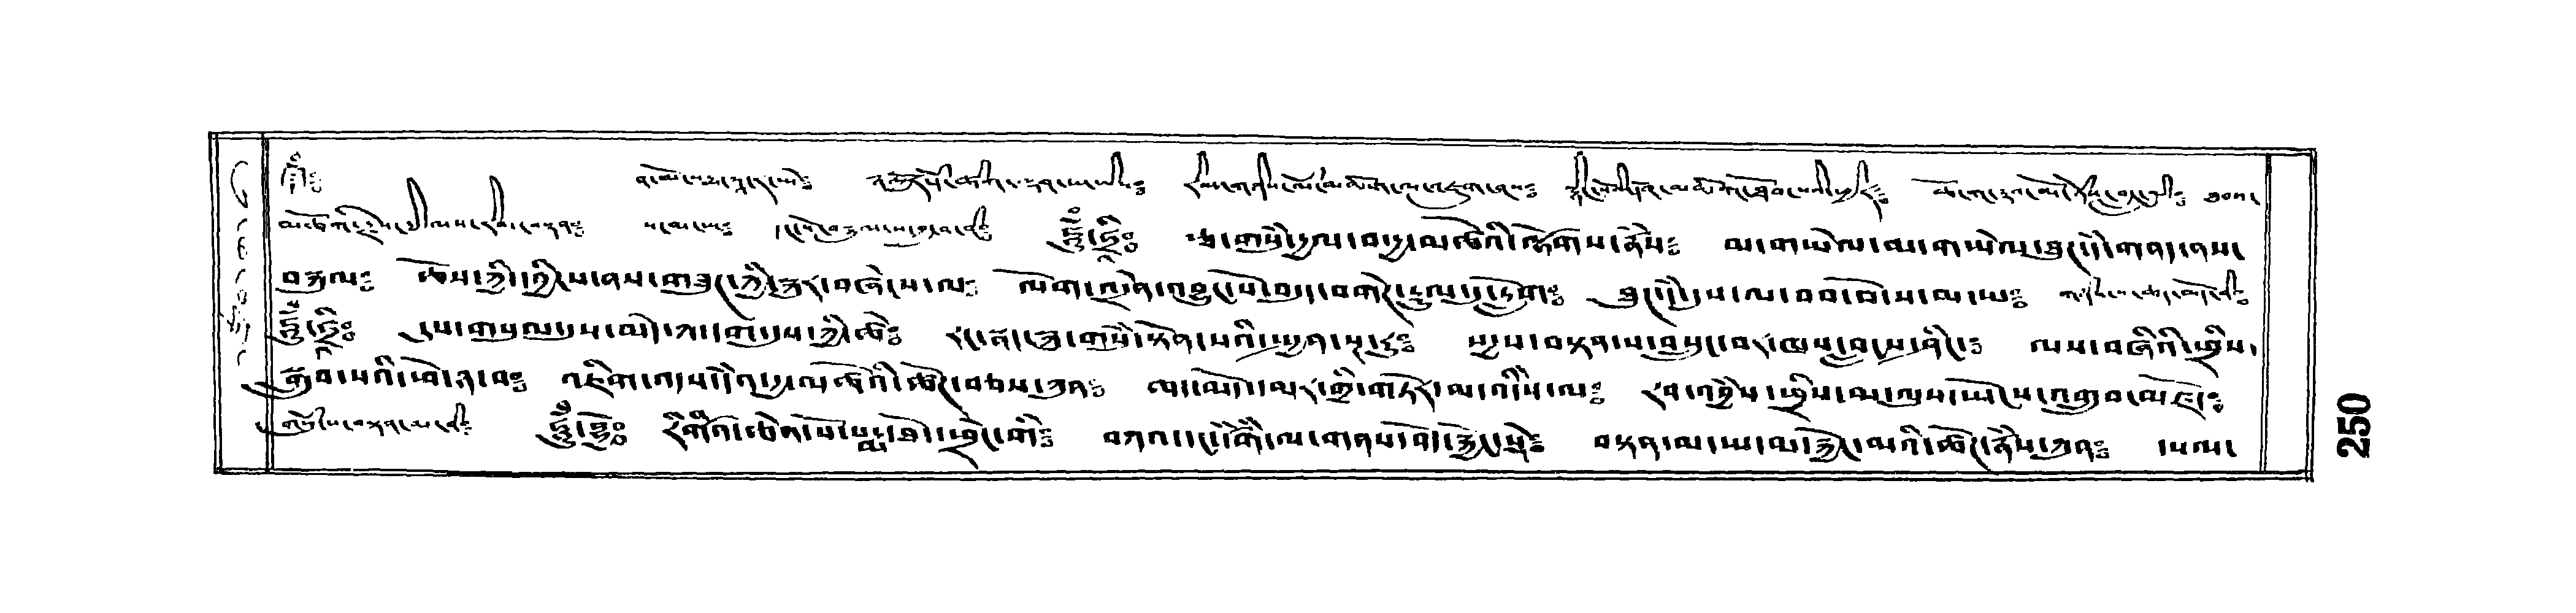ན་མོ་པདྨ་ཀཱ་ར་ཡེ༔ རྣལ་འབྱོར་དམ་ཚིག་ལྡན་པ་ཡིས༔ རིམ་གཉིས་ལམ་མཆོག་ལ་འཇུག་ནས༔ སྙིང་པོའི་དོན་མཆོག་ཐོབ་པའི་ཕྱིར༔ ཆོ་ག་ཟབ་མོ་ཉམས་བླང་བའི༔ ཐབས་
མཆོག་རྗེས་ཀྱི་ལས་རིམ་བསྟན༔ ས་མ་ཡ༔ དང་པོ་བསྐུལ་པ་བྱ་བ་ནི༔ ཧཱུྃ་ཧྲཱིཿ རྩ་གསུམ་རྒྱལ་བ་རྒྱ་མཚོའི་ལྷ་ཚོགས་རྣམས༔ མ་གཡེལ་མ་གཡེལ་ཐུགས་དམ་གནད་ནས་
བསྐུལ༔ ཆོས་ཀྱི་དབྱིངས་ནས་གཟུགས་ཀྱི་སྐུར་བཞེངས་ལ༔ ལོག་འདྲེན་འབྱུང་པོ་བདུད་བགེགས་རྡུལ་དུ་རློག༔ ཐུགས་དམ་དུས་ལ་བབ་བོ་ས་མ་ཡ༔ གཉིས་པ་ཆད་མདོ་ནི༔ 
ཧཱུྃ་ཧྲཱིཿ དུས་གསུམ་དུས་མེད་ཀ་དག་དུས་ཀྱི་ཚེ༔ རང་སྣང་སྐུ་གསུམ་སྟོན་པའི་སྤྱན་སྔ་རུ༔ སངས་རྒྱས་བསྟན་པ་བསྲུང་བར་ཁས་བླངས་ཤིང༔ ལས་བཞིའི་ཕྲིན་ལས་
སྒྲུབ་པའི་ཕོ་ཉ་བ༔ འཇིག་འདས་དམ་ཅན་རྒྱ་མཚོའི་ཚོགས་བཅས་ཀུན༔ ཆད་མདོ་དམར་གྱི་གཏོར་མ་འདི་བཞེས་ལ༔ རབ་འབྱམས་ཕྲིན་ལས་མ་ལུས་ཡོངས་འགྲུབ་མཛོད༔ 
གསུམ་པ་བསྟན་མ་ནི༔ ཧཱུྃ་བྷྱོ༔ རིག་འཛིན་ཆེན་པོ་པདྨ་ཐོད་ཕྲེང་གི༔ བཀའ་དང་དམ་ཚིག་ལ་གནས་བོད་སྐྱོང་སྡེ༔ བསྟན་མ་ཡ་མ་སྐྱོང་མའི་ཚོགས་རྣམས་ཀུན༔ དཔལ་